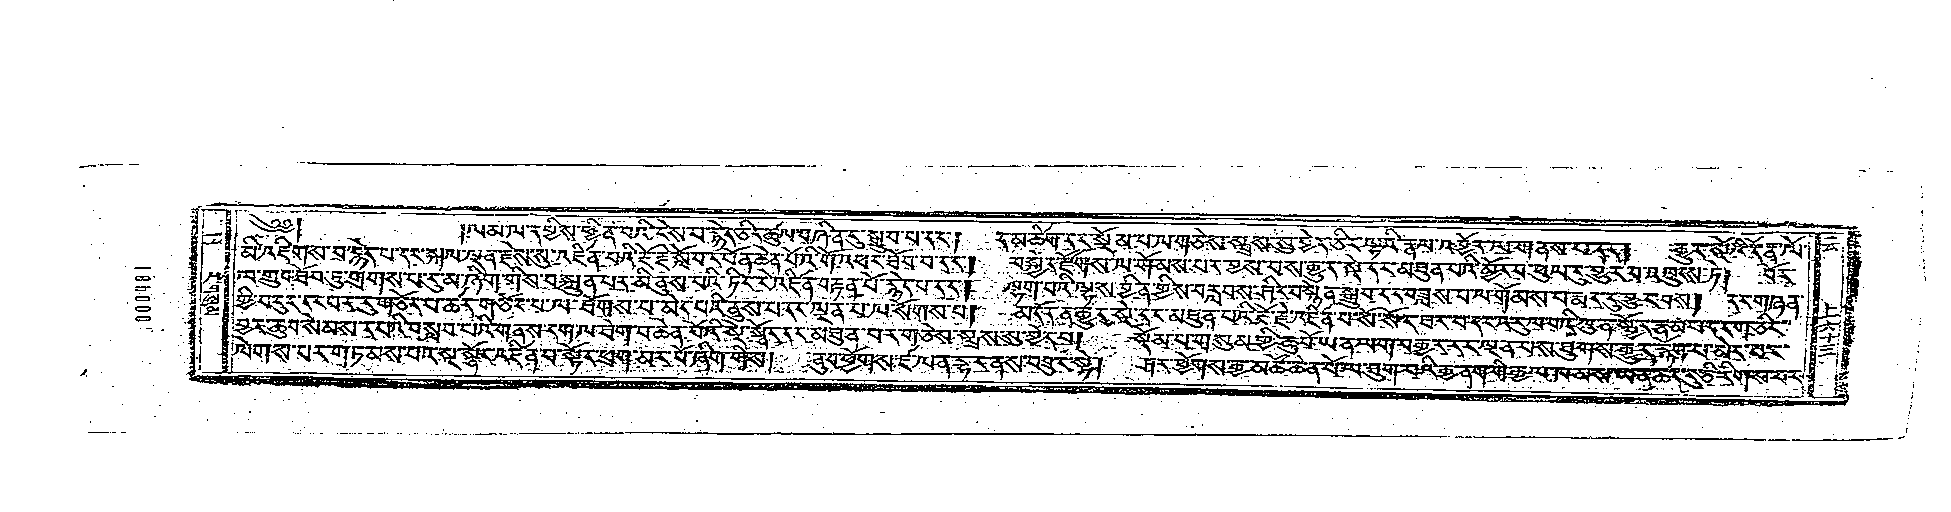༄༅། །ལམ་ལ་དཔྱིས་ཕྱིན་པའི་ངེས་པ་རྙེད་ཅིང་ཚལ་བཞིན་དུ་སྒྲུབ་པ་དང་། དམ་ཚིག་དང་སྡོམ་པ་ལ་གཅེས་སྤྲས་སུ་བྱེད་ཅིང་ལྷའི་རྣལ་འབྱོར་ལ་གནས་པ་དང་། རྒྱུད་སྔོའི་དོན་ལོ་
མི་འཇིགས་བརྙད་པ་དང་སྐལ་ལྡན་རྗེས་སུ་འཛིན་པའི་རྡོ་རྗེ་སློབ་དཔོན་ཆེན་པོའི་གོ་འཕང་ཐོབ་པ་དང་། བསྐྱེད་རྫོགས་ལ་གོམས་པར་བྱས་པས་རྒྱུད་སྡེ་དང་མཐུན་པའི་མྱོང་བ་ཕུལ་དུ་བྱུང་བ་འཁྲུངས་ཏེ། བོད་
ལ་གྲུབ་ཐོབ་ཏུ་གྲགས་པ་དུ་མ་ཉིག་གིས་བསྐྲུན་པར་མི་ནུས་པའི་ཏིང་ངེ་འཛིན་བརྟན་པོ་རྙེད་པ་དང་། ལྷག་པའི་ལྷས་བྱིན་གྱིས་བརླབས་ཤིང་བསྙེན་སྒྲུབ་དང་བཟླས་པ་ལ་གོམས་པ་རྨད་དུ་བྱུང་བས། རང་གཞན་
གྱི་བདུད་དང་བར་དུ་གཅོད་པ་ཚར་གཙོད་པ་ལ་ཐོགས་པ་མེད་པའི་ནུས་པ་དང་ལྡན་པ་ལ་སོགས་པ། མདོར་ན་རྒྱུད་སྡེ་དང་མཐུན་པའི་རྡོ་རྗེ་འཛིན་པ་སོ་སོར་ཐར་པ་དང་འདུལ་བའི་ཀུན་སྤྱོད་རྣམ་པར་དག་ཅིང་
བྱང་ཆུབ་སེམས་དཔའི་བསླབ་པའི་གནས་དག་ལ་ཐེག་པ་ཆེན་པོའི་སྡེ་སྣོད་དང་མཐུན་པར་གཅེས་སྤྲས་སུ་བྱེད་པ། སྡོམ་པ་གསུམ་གྱི་ཆུ་བོ་ཡན་ལག་བརྒྱད་དང་ལྡན་པས་ཐུགས་རྒྱུད་རྙོག་པ་མེད་པར་
ལེགས་པར་གཏམས་པའི་སྡེ་སྣོད་འཛིན་པ་སྟོང་ཕྲག་མང་པོ་ཞིག་གིས། ནུབ་ཕྱོགས་ཛ་ལན་དྷ་ར་ནས་བཟུང་སྟེ། ཤར་ཕྱོགས་རྒྱ་མཚོ་ཆེན་པོ་ལ་ཐུག་བའི་རྒྱ་ནག་གི་རྒྱལ་ཁམས་ཡན་ཆད་དུ་ཅི་རིགས་བར་